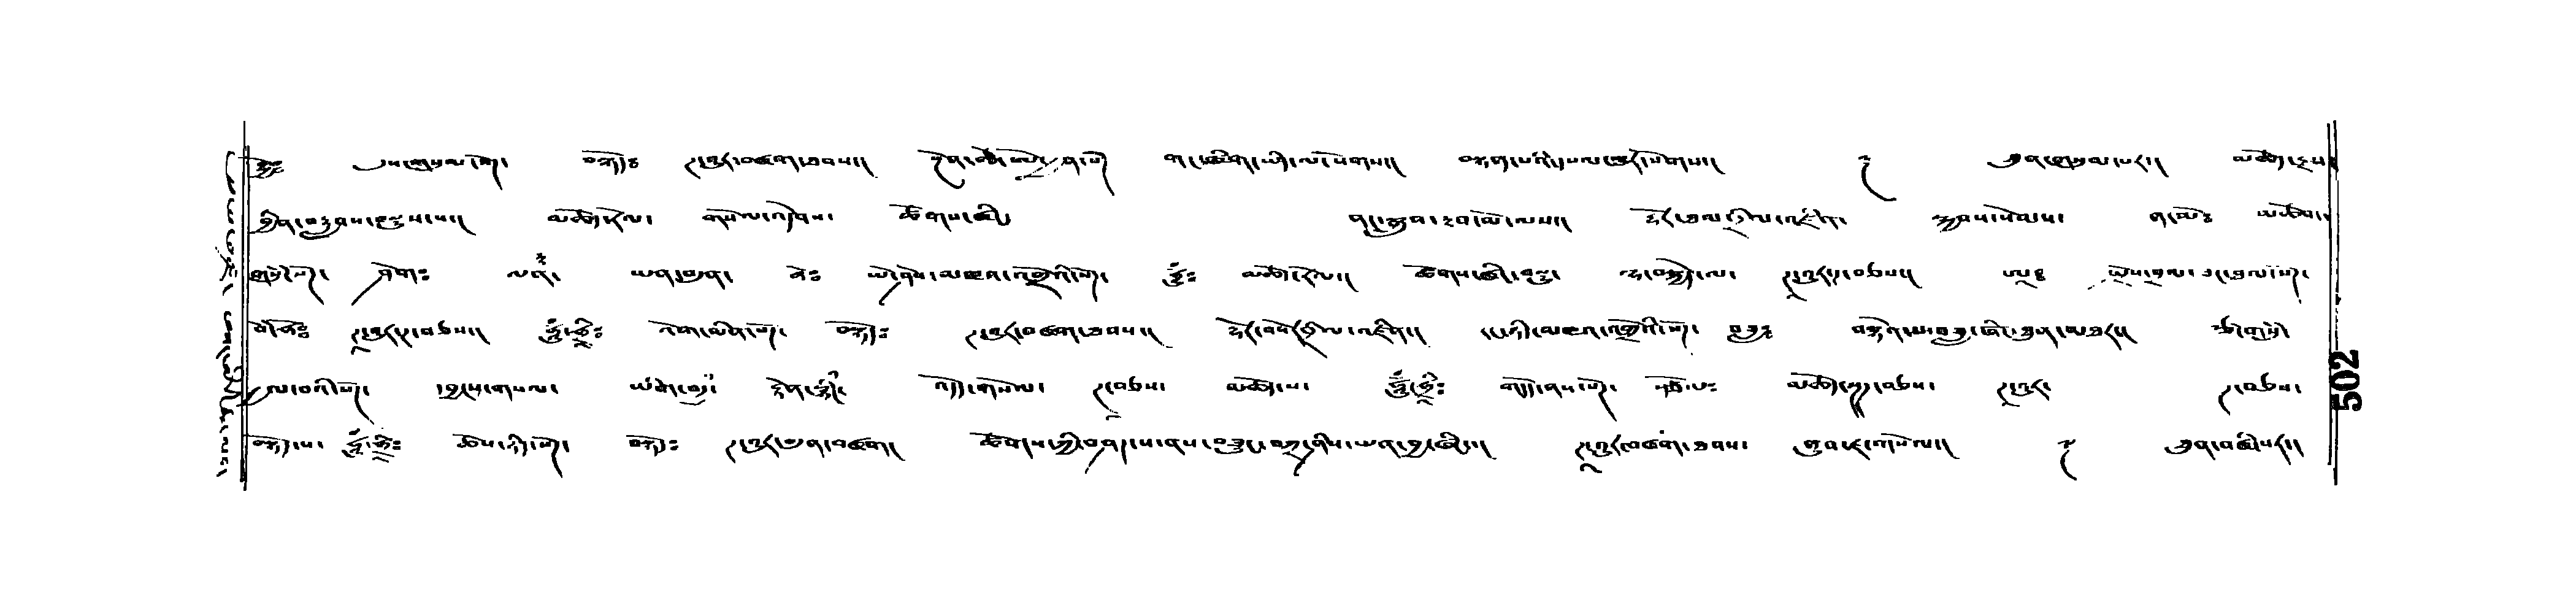བྷྱོ༔ དུས་གསུམ་སོགས། བསྟོད༔ ཌཱ་འུར་བཞག་ཐབས། སྔོན་ཚེ་ཨོ་རྒྱན་སོགས། གང་ཞིག་ཡིད་ལ་སོགས། གང་ཞིག་ཡིད་ལ་སོགས། བསྟན་པའི་དཔལ་གྱུར་སོགས། ༈ ཐུན་གསུམ་པར། མཆོད་རྫས་
བྱིན་བརླབས་བསྡུས་པ། མཆོད་རོལ། གསོལ་འདེབས། ཚོགས་ཞིང་། ནང་སྒྲུབ་ཟབ་མོ་ལས། རྡོར་ཐལ་དྲིལ་འཛིན། སྐྱབས་སེམས། ན་མོ༔ མཆོག་
གསུམ་སོགས། ཤོག༔ ལན་གསུམ། ཡན་བདུན། ཧོཿ ཡེ་ཤེས་མཁའ་འགྲོའི་སོགས། ཧཱུྃ༔ མཆོད་རོལ། ཚོགས་ཞིང་བསྡུ། ལྷ་བསྐྱེད་ལ། ཌཱ་འུར་ཌཱ་བཅས། ཨཱཿ སྤྲོས་བྲལ་ཟང་ཐལ་སོགས། 
བཾ་ཧོཿ ཌཱ་འུར་ཌཱ་བཅས། ཧཱུྃ་ཧྲཱིཿ འོག་མིན་སོགས། བསྟོད༔ ཌཱ་འུར་བཞག་ཐབས། རྡོར་བསྐོར་དྲིལ་འཛིན། རང་ཉིད་མཁའ་འགྲོའི་སོགས། བཟླ༔ བསྙེན་པ་བཟླ་ཞིང་ཐུན་མཐར། རྩ་གསུམ་
རྒྱལ་བའི་སོགས། དབྱངས་གསལ། ཡིག་བརྒྱ་གཅིག རྟེན་སྙིང་གཅིག འདོད་གསོལ། ཌཱ་བཅས། མཆོད་པ། ཧཱུྃ་ཧྲཱིཿ གདོད་ནས་སོགས། སྩོལ༔ མཆོད་སྔགས་བཅས། ཌཱ་འུར། ཌཱ་བཅས་
བསྟོད་པ། ཧཱུྃ་ཧྲཱིཿ ཆོས་ཉིད་སོགས། བསྟོད༔ ཌཱ་འུར་བདུན་བཞག ཚོགས་ཀྱི་བཤད་པ་ནས་བཟུང་བཀྲ་ཤིས་ཡན་བྱ་ཞིང་། ཌཱ་འུར་བཞག་ཐབས། ནུབ་ཇ་གསོལ། ༈ ཐུན་བཞི་པར།